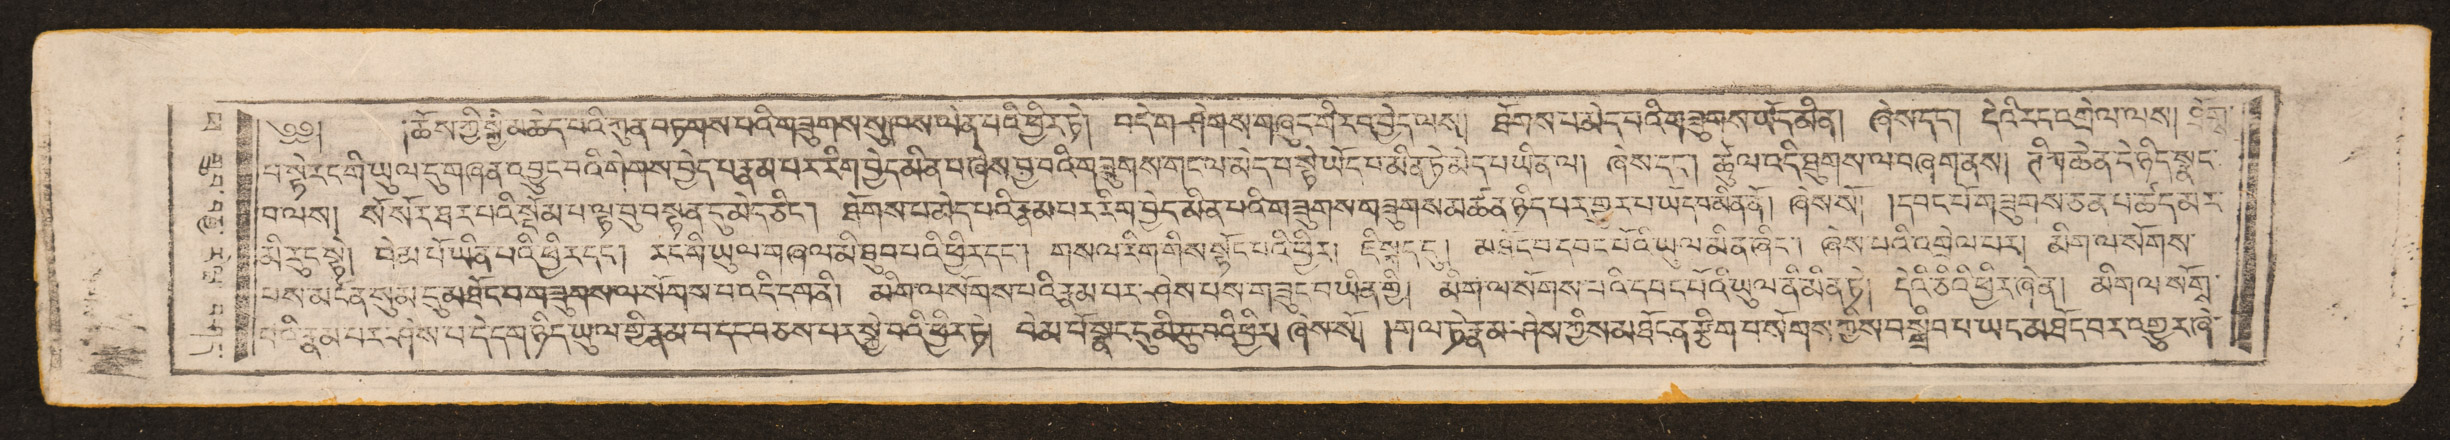༄༅། །ཆོས་ཀྱི་སྐྱེ་མཆེད་པའི་ཀུན་བཏགས་པའི་གཟུགས་སུ་ཁས་ལེན་བའི་ཕྱིར་ཏེ། བདེ་གཤེགས་གཞུང་གི་རབ་བྱེད་ལས། ཐོགས་པ་མེད་བའི་གཟུགས་ཡོད་མིན། ཞེས་དང་། དེའི་རང་འགྲེལ་ལས། ཐོགས་
པ་སྟེ་རང་གི་ཡུལ་དུ་གཞན་འབྱུང་བའི་གེགས་བྱེད་པ་རྣམ་པར་རིག་བྱེད་མིན་པ་ཞེས་བྱ་བའི་གཟུགས་གང་ལ་མེད་པ་སྟེ་ཡོད་པ་མིན་ཏེ་མེད་པ་ཡིན་ལ། ཞེས་དང་། ཚུལ་འདི་ཐུགས་ལ་བཞག་ནས། ཊིཀ་ཆེན་དེ་ཉིད་སྣང་
བ་ལས། སོ་སོར་ཐར་པའི་སྡོམ་པ་ལྟ་བུ་བསྟན་དུ་མེད་ཅིང་། ཐོགས་པ་མེད་པའི་རྣམ་པར་རིག་བྱེད་མིན་པའི་གཟུགས་གཟུགས་མཚན་ཉིད་པར་གྱུར་པ་ཡོད་པ་མིན་ནོ། ཞེས་སོ། །དབང་པོ་གཟུགས་ཅན་པ་ཚད་མར་
མི་རུང་སྟེ། བེམ་པོ་ཡིན་པའི་ཕྱིར་དང་། རང་གི་ཡུལ་གཞལ་མི་ཐུབ་པའི་ཕྱིར་དང་། གསལ་རིག་གིས་སྟོང་པའི་ཕྱིར། ཇི་སྐད་དུ། མཐོང་བ་དབང་པོའི་ཡུལ་མིན་ཞིང་། ཞེས་པའི་འགྲེལ་པར། མིག་ལ་སོགས་
པས་མངོན་སུམ་དུ་མཐོང་བ་གཟུགས་ལ་སོགས་པ་འདི་དག་ནི། མིག་ལ་སོགས་པའི་རྣམ་པར་ཤེས་པས་གཟུང་བ་ཡིན་གྱི། མིག་ལ་སོགས་པའི་དབང་པོའི་ཡུལ་ནི་མིན་ཏེ། དེའི་ཅིའི་ཕྱིར་ཞེ་ན། མིག་ལ་སོགས་
པའི་རྣམ་པར་ཤེས་པ་དེ་དག་ཉིད་ཡུལ་གྱི་རྣམ་པ་དང་བཅས་པར་སྐྱེ་བའི་ཕྱིར་ཏེ། བེམ་པོ་སྣང་དུ་མི་རུང་བའི་ཕྱིར། ཞེས་སོ། །གལ་ཏེ་རྣམ་ཤེས་ཀྱིས་མཐོང་ན་རྩིག་པ་སོགས་ཀྱིས་བསྒྲིབ་པ་ཡང་མཐོང་བར་འགྱུར་ཞེ་